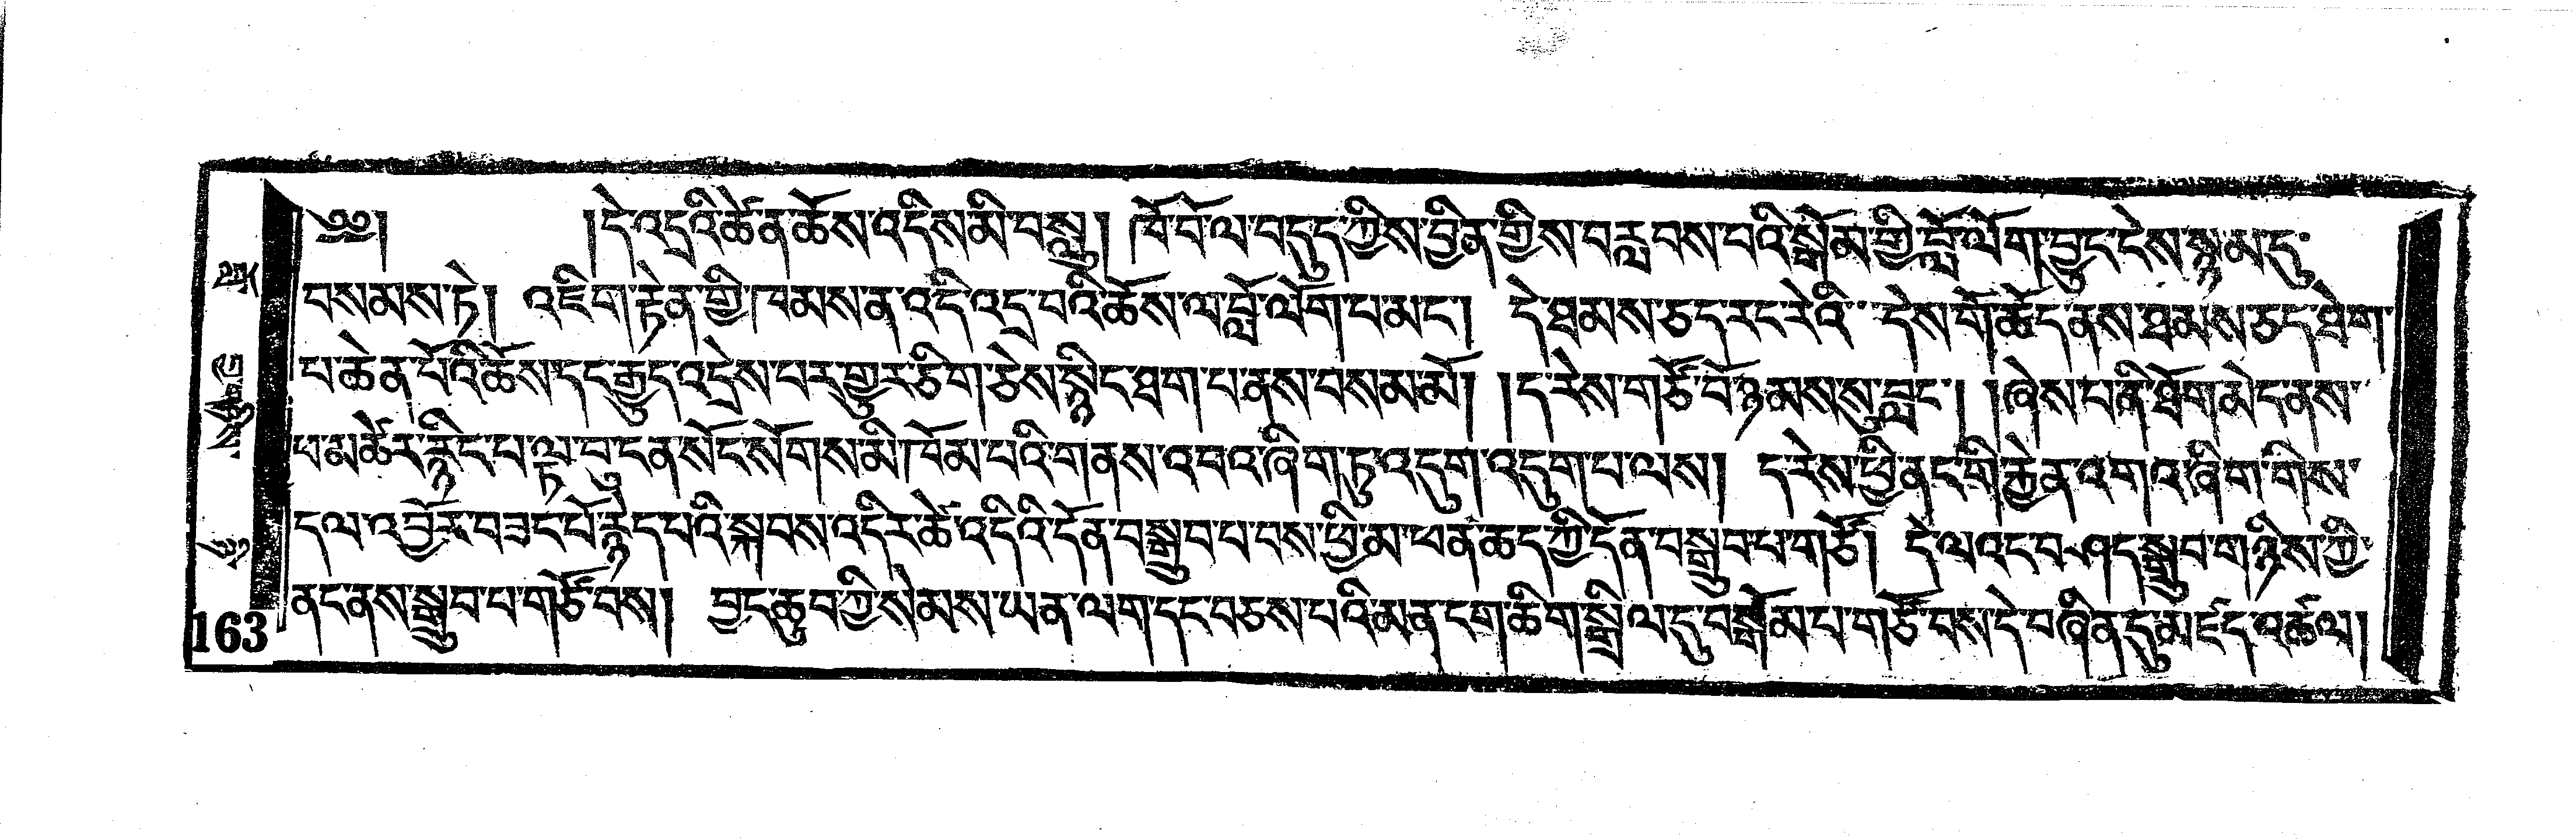༄༅། །དེ་འདྲའི་ཚེ་ན་ཆོས་འདིས་མི་བསླུ། ཁོ་བོ་ལ་བདུད་ཀྱིས་བྱིན་གྱིས་བརླབས་པའི་སྒོམ་གྱི་བློ་ལོག་བྱུང་ངེས་སྙམ་དུ་
བསམས་ཏེ། འཇིག་རྟེན་གྱི་ཁམས་ན་འདི་འདྲ་བའི་ཆོས་ལ་བློ་ལོག་པ་མང་། དེ་ཐམས་ཅད་རང་རེའི་དེས་གོ་ཆོད་ནས་ཐམས་ཅད་ཐེག་
པ་ཆེན་པོའི་ཆོས་དང་རྒྱུད་འདྲེས་པར་གྱུར་ཅིག་ཅེས་སྙིང་ཐག་པ་ནས་བསམ་མོ། །ད་རེས་གཙོ་བོ་ཉམས་སུ་བླང་། །ཞེས་པ་ནི་ཐོག་མེད་ནས་
པ་མཚེར་རྙིང་པ་ལྟ་བུ་ངན་སོང་སོགས་མི་ཁོམ་པའི་གནས་འབའ་ཞིག་ཏུ་འདུག་འདུག་པ་ལས། ད་རེས་ཕྱི་ནང་གི་རྐྱེན་འགའ་ཞིག་གིས་
དལ་འབྱོར་བཟང་པོ་རྙེད་པའི་སྐབས་འདིར་ཚེ་འདིའི་དོན་བསྒྲུབ་པ་བས་ཕྱི་མ་ཕན་ཆད་ཀྱི་དོན་བསྒྲུབ་པ་གཙོ། དེ་ལའང་བཤད་སྒྲུབ་གཉིས་ཀྱི་
ནང་ནས་སྒྲུབ་པ་གཙོ་བས། བྱང་ཆུབ་ཀྱི་སེམས་ཡན་ལག་དང་བཅས་པའི་མན་ངག་ཚིག་སྒྲིལ་དུ་བསྒོམ་པ་གཙོ་བས་དེ་བཞིན་དུ་མཛད་འཚལ།